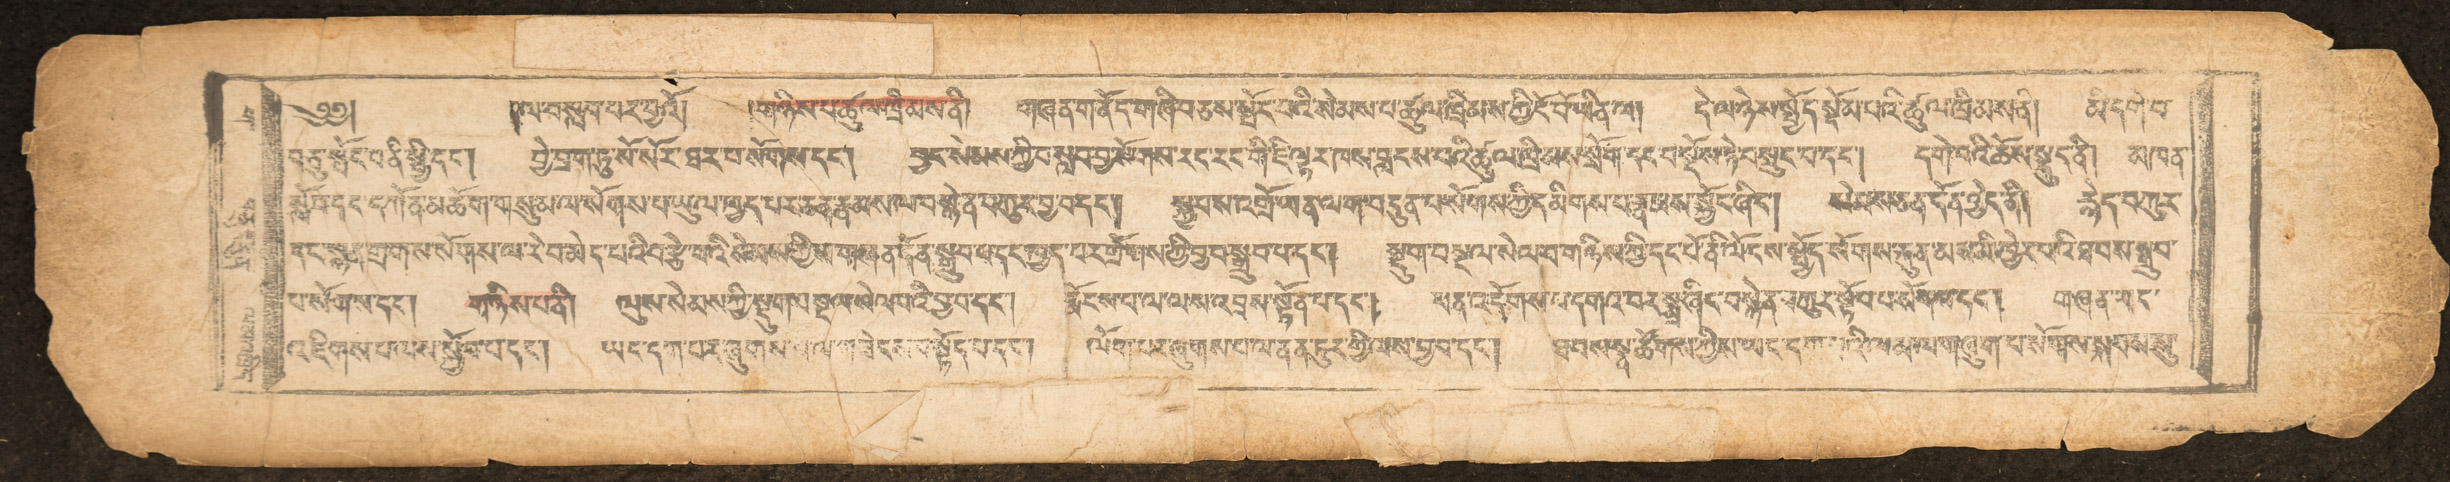༄༅། །ལ་བསླབ་པར་བྱའོ། །གཉིས་པ་ཚུལ་ཁྲིམས་ནི། གཞན་གནོད་གཞི་བཅས་སྤོང་བའི་སེམས་པ་ཚུལ་ཁྲིམས་ཀྱི་ངོ་བོ་ཡིན་ལ། དེ་ལ་ཉེས་སྤྱོད་སྡོས་བའི་ཚུལ་ཁྲིམ?་བཞི། མེ་དགེ་པ་
བཅུ་སྤོང་བ་ནི་སྤྱི་དང་། བྱེ་བྲག་ཏུ་སོ་སོར་ཐར་པ་སོགས་དང་། བྱང་སེམས་ཀྱི་བསླབ་བྱ་སོགས་རང་རང་གི་ཇི་ལྟར་ཁས་བླངས་པའི་ཚུལ་ཁྲིམས་སྲོག་དང་བསྡོས་ཏེ་བསྲུང་བ་དང་། དགེ་བའི་ཆོས་སྡུད་ནི། མཁན་
སློབ་དང་དཀོན་མཆོག་གསུམ་ལ་སོགས་པ་ཡུལ་ཁྱད་པར་ཅན་རྣམས་ལ་བསྙེན་བཀུར་བྱ་བ་དང་། སྐྱབས་འགྲོ་ཡན་ལག་བདུན་པ་སོགས་ཀྱི་དམིགས་པ་རྣམས་སྐྱོང་ཞིང་། སེམས་ཅན་དོན་བྱེད་ནི། རྙེད་བཀུར་
དང་སྙན་གྲགས་སོགས་ལ་རེ་བ་མེད་པའི་བརྩེ་བའི་སེམས་ཀྱིས་གཞན་དོན་སྒྲུབ་པ་དང་ཁྱད་པར་གྲོགས་ཀྱི་བྱ་བསྒྲུབ་པ་དང་། སྡུག་བསྔལ་སེལ་བ་གཉིས་ཀྱི་དང་པོ་ནི་ལོངས་སྤྱོད་སོགས་རྐུན་མས་མི་ཁྱེར་བའི་ཐབས་སྒྲུབ་
པ་སོགས་དང་། གཉིས་པ་ནི། ལུས་སེམས་ཀྱི་སྡུག་བསྔལ་སེལ་བའི་བྱ་བ་དང་། རྨོངས་པ་ལ་ལས་འབྲས་སྟོན་པ་དང་། ཕན་འདོགས་པ་དགའ་བར་སྨྲ་ཞིང་བསྙེན་བཀུར་སྟོབ་པ་སོགས་དང་། གཞན་ཡང་
འཇིགས་པ་ལས་སྐྱོབ་པ་དང་། ཡང་དག་པར་ཞུགས?་པ་ལ་?ཁྲེང་?་སྟོང་པ་དང་། ལོག་པར་ཞུགས་པ་ལ་ནན་ཏུར་གྱི་ལས་བྱ་བ་དང་། ཐབས་སྣ་ཚོགས་ཀྱིས་ཡང་དག་བའི་ལམ་ལ་གཞུག་པ་སོགས་སྐབས་སུ་